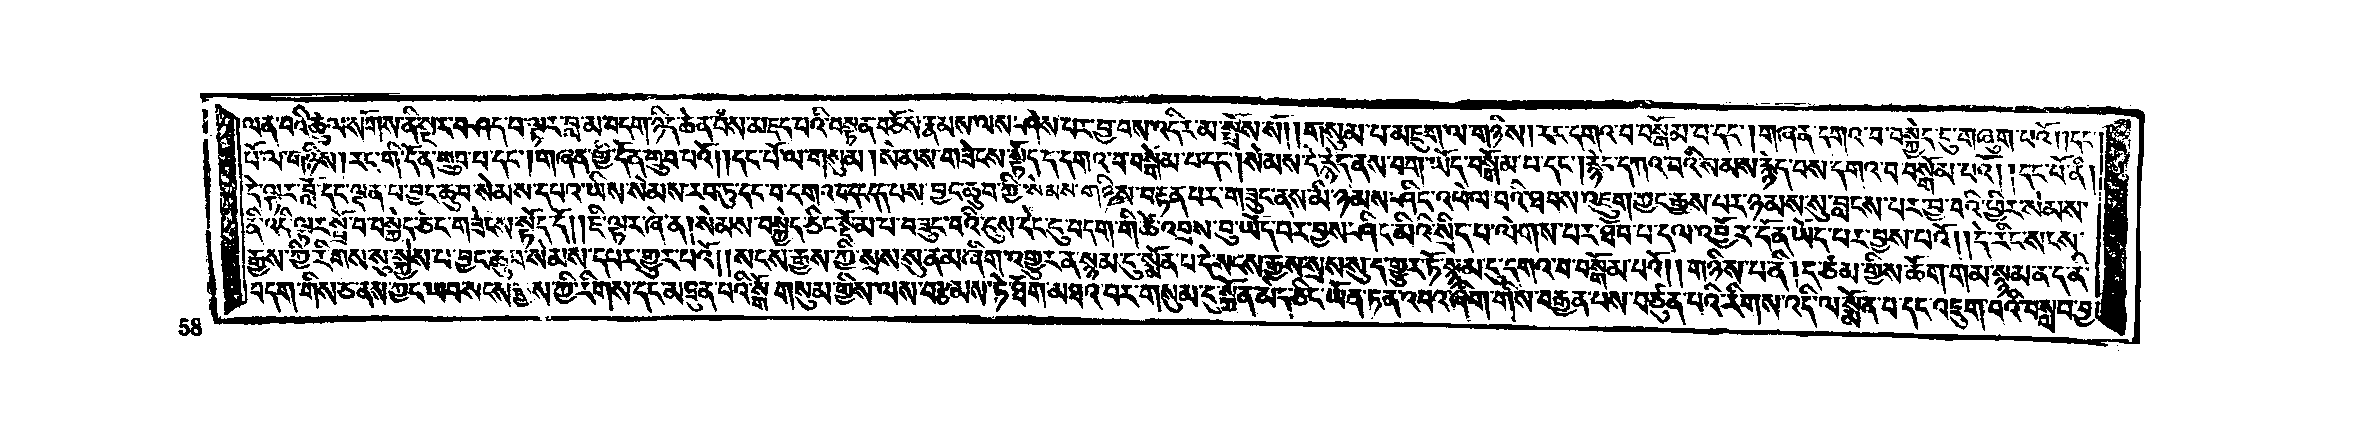ལན་བའི་ཚུལ་སོགས་ནི་སྔར་བཤད་པ་ལྟར་བླ་མ་བདག་ཉིད་ཆེན་པོས་མཛད་པའི་བསྟན་བཅོས་རྣམས་ལས་ཤེས་པར་བྱ་བས་འདིར་མ་སྤྲོས་སོ། །གསུམ་པ་མཇུག་ལ་གཉིས། རང་དགའ་བ་བསྒོམ་པ་དང་། གཞན་དགའ་བ་བསྐྱེད་དུ་གཞུག་པའོ། །དང་
པོ་ལ་གཉིས། རང་གི་དོན་གྲུབ་པ་དང་། གཞན་གྱི་དོན་གྲུབ་པའོ། །དང་པོ་ལ་གསུམ། སེམས་གཟེངས་སྟོད་དེ་དགའ་བ་བསྒོམ་པ་དང་། སེམས་དེ་རྙེད་ནས་བག་ཡོད་བསྒོམ་པ་དང་། རྙེད་དཀའ་བའི་སེམས་རྙེད་པས་དགའ་བ་བསྒོམ་པའོ། །དང་པོ་ནི།
དེ་ལྟར་བློ་དང་ལྡན་པ་བྱང་ཆུབ་སེམས་དཔའ་ཡིས་སེམས་རབ་ཏུ་དང་བ་དགའ་བ་དང་དད་པས་བྱང་ཆུབ་ཀྱི་སེམས་གཉིས་བརྟན་པར་གཟུང་ནས་མི་ཉམས་ཤིང་འཕེལ་བའི་ཐབས་འཇུག་ཀྱང་རྒྱས་པར་ཉམས་སུ་བླངས་པར་བྱ་བའི་ཕྱིར་སེམས་
ནི་འདི་ལྟར་སྤྲོ་བ་བསྐྱེད་ཅིང་གཟེངས་སྟོད་དོ། །ཇི་ལྟར་ཞེ་ན། སེམས་བསྐྱེད་ཅིང་སྡོམ་པ་བཟུང་བའི་དུས་དེང་དུ་བདག་གི་ཚེ་འབྲས་བུ་ཡོད་པར་བྱས་ཤིང་མིའི་སྲིད་པ་ལེགས་པར་ཐོབ་པ་དལ་འབྱོར་དོན་ཡོད་པར་བྱས་པའོ། །དེ་རིང་སངས་
རྒྱས་ཀྱི་རིགས་སུ་སྐྱེས་པ་བྱང་ཆུབ་སེམས་དཔར་གྱུར་པའོ། །སངས་རྒྱས་ཀྱི་སྲས་སུ་ནམ་ཞིག་འགྱུར་ན་སྙམ་དུ་སྨོན་པ་དེ་སངས་རྒྱས་སྲས་སུ་ང་གྱུར་ཏོ་སྙམ་དུ་དགའ་བ་བསྒོམ་པའོ། །གཉིས་པ་ནི། དེ་ཙམ་གྱིས་ཆོག་གམ་སྙམ་ན་ད་ནི་
བདག་གིས་ཅ་ནས་ཀྱང་ཡབ་སངས་རྒྱས་ཀྱི་རིགས་དང་མཐུན་པའི་སྒོ་གསུམ་གྱིས་ལས་བརྩམས་ཏེ་ཐོག་མཐའ་བར་གསུམ་དུ་སྐྱོན་མེད་ཅིང་ཡོན་ཏན་འབའ་ཞིག་གིས་བརྒྱན་པས་བཙུན་པའི་རིགས་འདི་ལ་སྨོན་པ་དང་འཇུག་པའི་བསླབ་བྱ་